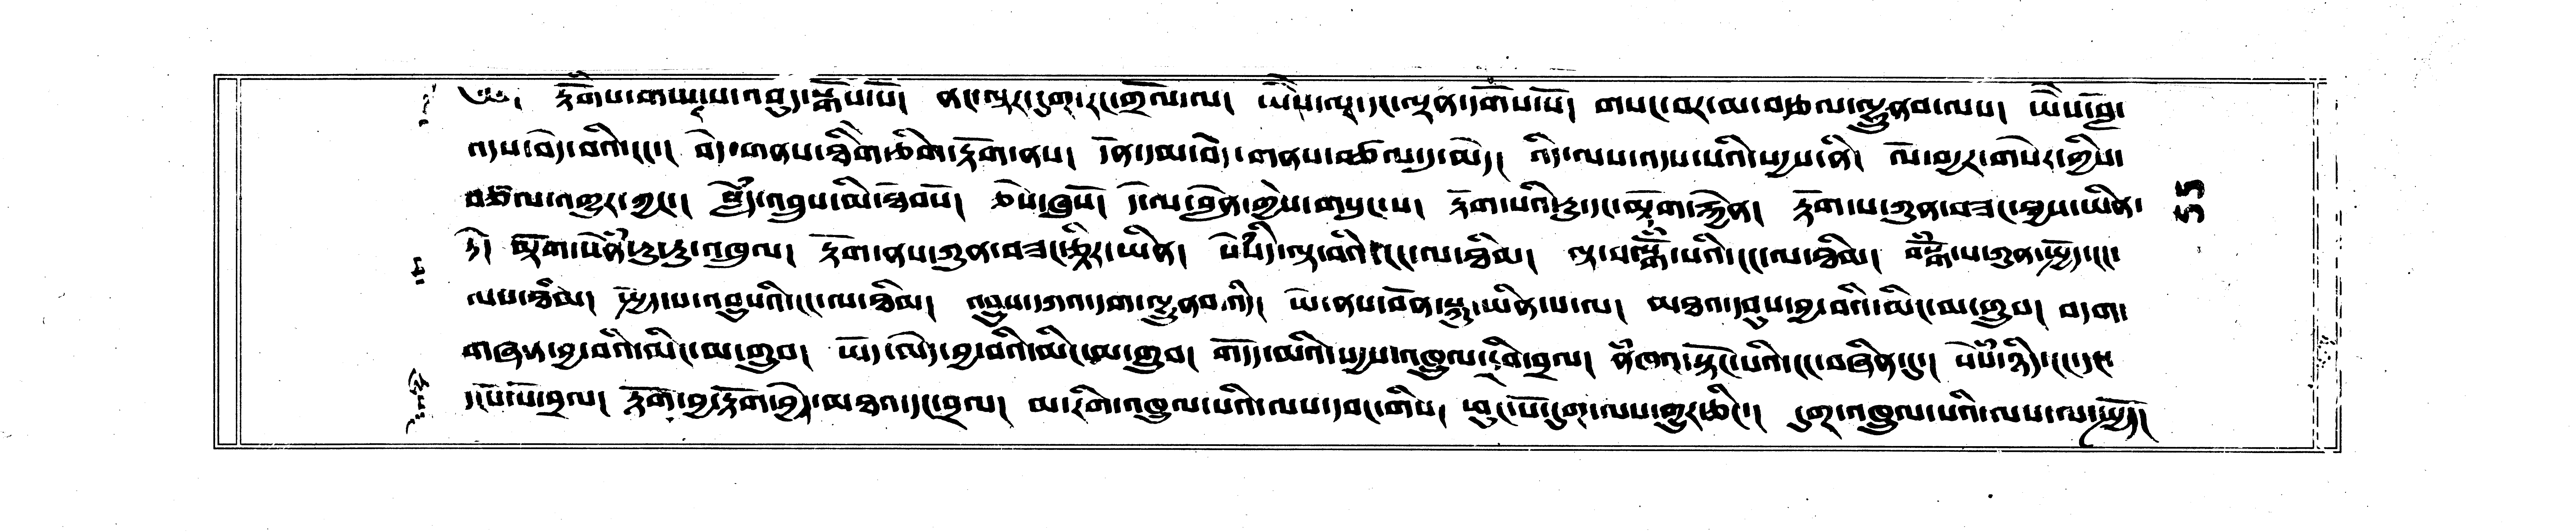རྟོག་གཡང་ས་འབུད་དགོས་སོ། ནང་ལྟར་དུག་ལྔ་རང་གྲོལ་ལ། ཡེ་ཤེས་ལྔ་དང་ལྡན་དགོས་སོ། གསང་བར་མ་བརྩལ་ལྷུན་གྲུབ་ལ། ཡེ་ཤེས་བློ་
འདས་བདེ་བའི་ངང་། བདེ་གནས་ཐིག་ལེ་གཅིག་རྟོགས་ནས། དོན་དམ་བདེ་གནས་བཙལ་དུ་མེད། འདི་ལས་འདས་པའི་སངས་རྒྱས་ནི། ལོ་བརྒྱར་གསེར་གྱིས་
བཙལ་གྱུར་ཀྱང་། བླ་མེད་འབྲས་བུ་མི་ཐོབ་བོ། །ཅེས་ཞུས་སོ། །དེ་ལ་བླ་ཆེན་གྱིས་གསུངས་པ། རྟོགས་པའི་རྒྱུ་དང་མ་རྟོགས་རྐྱེན། རྟོགས་པ་ཀུན་བཟང་ཐུགས་ཡིན་
ཏེ། མ་རྟོགས་སེམས་ཅན་རྒྱུ་རུ་འཁྲུལ། རྟོགས་ནས་ཀུན་བཟང་ཅི་ལྟར་ཡིན། སེམས་ཉིད་ལྟ་བའི་ངང་ལ་ཐིམ། ལྟ་བ་སྒོམ་པའི་ངང་ལ་ཐིམ། སྒོམ་པ་ཀུན་སྤྱོད་ངང་
ལ་ཐིམ། སྤྱོད་པ་འབྲས་བུའི་ངང་ལ་ཐིམ། འབྲས་བུ་ཀ་དག་ལྷུན་གྲུབ་འདི། ཡེ་ནས་བོན་སྐུ་ཡིན་པ་ལ། མཐའ་དབུས་བྱ་བའི་མིང་མ་གྲུབ། བདག་
གཞན་བྱ་བའི་མིང་མ་གྲུབ། ཡོད་མེད་བྱ་བའི་མིང་མ་གྲུབ། གདོད་མའི་སངས་རྒྱས་འཁྲུལ་སྒྲིབ་བྲལ། ནམ་མཁའ་སྟོང་པའི་ངང་བཞིན་དུ། སེམས་ཉིད་ངང་དང་
དངོས་པོ་བྲལ། རྟོག་བྱ་རྟོག་བྱེད་མཐའ་དང་བྲལ། མ་རིག་འཁྲུལ་པའི་ལས་དབང་གིས། ཕུང་པོ་དུག་ལྔ་ལས་གྱུར་ཅིང་། དུག་ལྔ་འཁྲུལ་པའི་ལས་ལ་སྤྱོད།